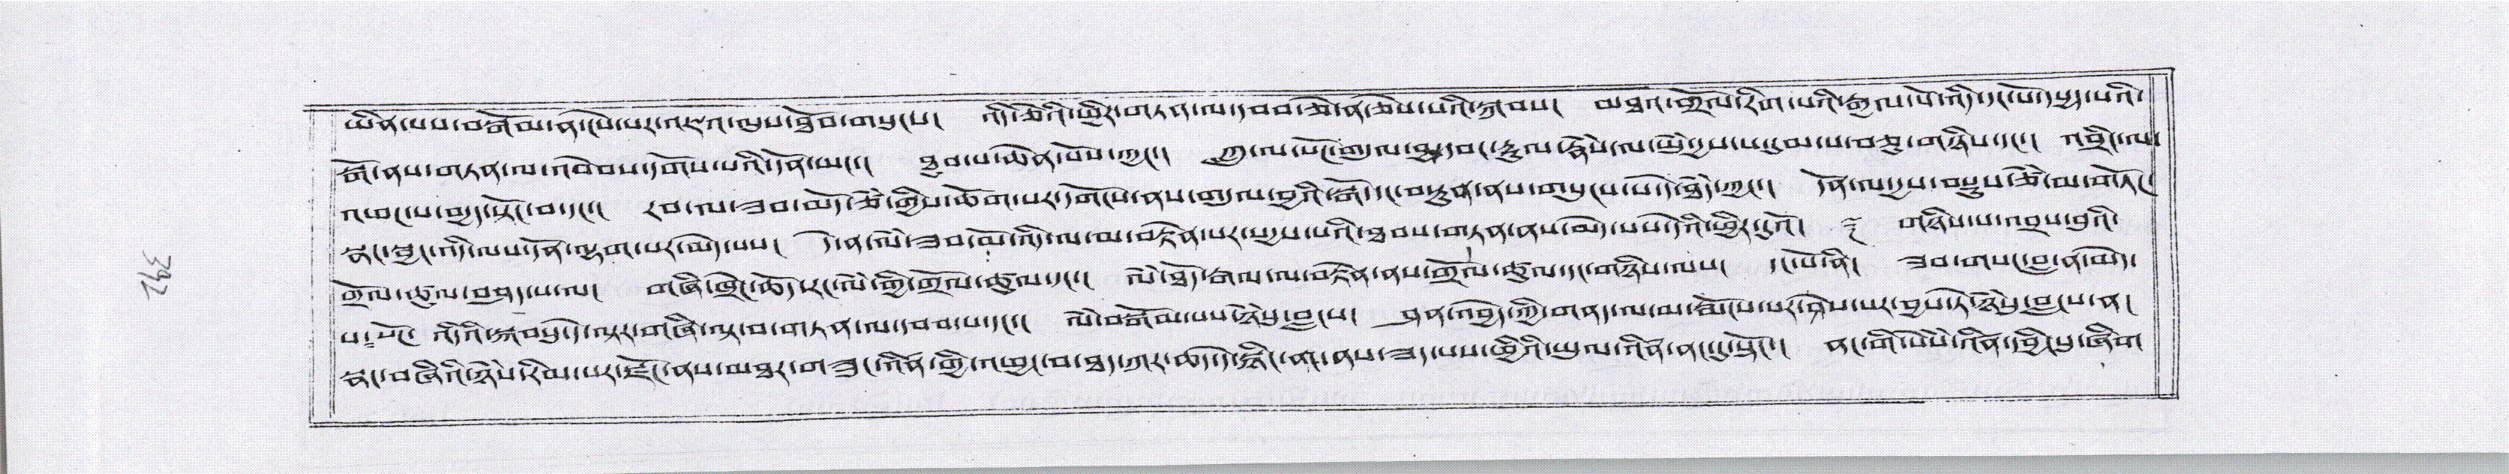ཡིན་པས་བསྒོམ་ན་ངེས་པར་འཇའ་ལུས་ཐོབ་གསུངས། འདི་ཅིའི་ཕྱིར་གཏན་ལ་དབབ་ཅེ་ན་ཞེས་པའི་སྐབས། མཐའ་གྲོལ་རིག་པའི་རྒྱལ་པོ་འདི་དང་པོ་དཔྱད་པའི་
སྒོ་ནས་གཏན་ལ་འབེབས་དགོས་པའི་དོན་ཡང་། ཐུབ་པ་ཆེན་པོས་ཀྱང་། ཀླུ་ལ་སོགས་གདུལ་བྱ་དབང་རྟུལ་རྣམས་ལ་ཡུམ་རྒྱས་པ་དུམ་པ་བཅུ་གཉིས་དང་། འབྲིང་ལ་
འཕགས་པ་བརྒྱད་སྟོང་པ་དང་། རབ་ལ་ཟབ་མདོ་ཙམ་གྱིས་ཆོག་པར་དགོངས་ནས་གདུལ་བྱའི་སྒོ་དང་བསྟུན་ནས་གསུངས་པ་དེ་ཐམས་ཅད་ཀྱང་། དོན་ལ་རྒྱས་བསྡུས་ཙམ་མ་གཏོགས་
སྣང་སྦྱང་འདི་ལས་དོན་ལྷག་པར་མེད་པས། དེའི་ཕྱིར་ན་ལམ་ཟབ་མོ་འདི་ལ་མ་བརྟེན་པར་སངས་རྒྱས་པའི་ཐབས་གཏན་ནས་མེད་པས་དེའི་ཕྱིར་དུའོ།། ༧གཉིས་པ་འབྲས་བུའི་
གྲོལ་ཚུལ་བཤད་པ་ལ། གཞི་ཁྲེགས་ཆོད་རང་ལམ་གྱི་གྲོལ་ཚུལ་དང་། ལམ་ཐོད་རྒལ་ལ་བརྟེན་ནས་གྲོལ་ཚུལ་གཉིས་ལས། དང་པོ་ནི། ཟབ་གསང་བླ་ན་མེད་
པ་སོགས། འདིའི་སྐབས་སུ་དེ་ལྟར་གཞི་ལྟ་བ་གཏན་ལ་དབབ་པ་དང་། ལམ་སྒོམ་པ་ཉམས་སུ་བླངས། ཤན་འབྱེད་ཀྱི་གནད་ལ་མ་རྨོངས་པར་ཤེས་པར་བྱས་ཏེ་ཉམས་སུ་བླང་ན་
སྣང་བཞིའི་ཉམས་རིམ་པར་རྫོགས་ནས་མཐར་གཟུང་འཛིན་གྱི་འཕྱང་བ་ཐད་ཀར་ཆད་དེ་སྙིང་ནང་ནས་ཟད་པས་ཕྱིའི་ཡུལ་འཛིན་ནང་དུ་སྟོང་། ནང་གི་སེམས་འཛིན་དབྱིངས་སུ་ཞིག་